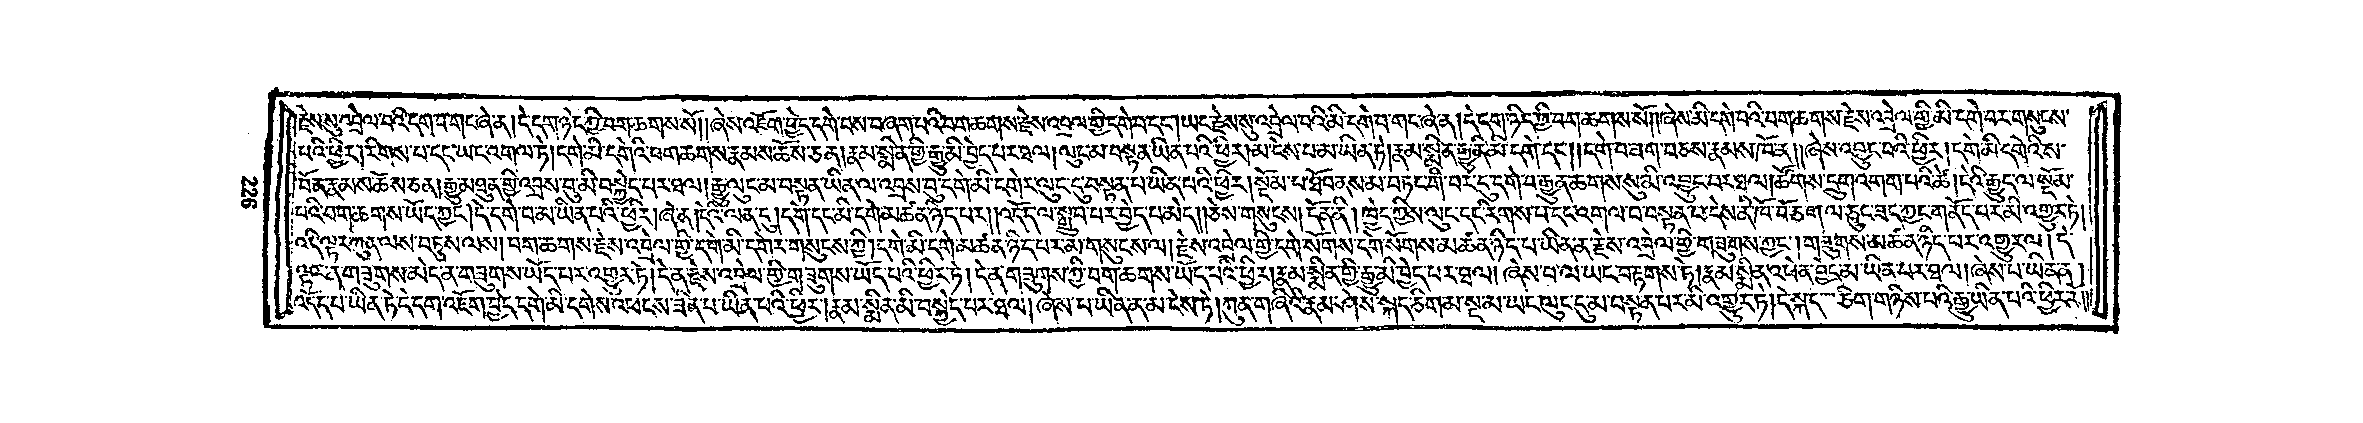རྗེས་སུ་འབྲེལ་བའི་དག་པ་གང་ཞེ་ན། དེ་དག་ཉིད་ཀྱི་བག་ཆགས་སོ། །ཞེས་འཇོག་བྱེད་དགེ་བས་བཞག་པའི་བག་ཆགས་རྗེས་འབྲལ་གྱི་དགེ་བ་དང་། ཡང་རྗེས་སུ་འབྲེལ་བའི་མི་དགེ་བ་གང་ཞེ་ན། དེ་དག་ཉིད་ཀྱི་བག་ཆགས་སོ། །ཞེས་མི་དགེ་བའི་བག་ཆགས་རྗེས་འབྲེལ་གྱི་མི་དགེ་བར་གསུངས་
པའི་ཕྱིར། རིགས་པ་དང་ཡང་འགལ་ཏེ། དགེ་མི་དགེའི་བག་ཆགས་རྣམས་ཆོས་ཅན། རྣམ་སྨིན་གྱི་རྒྱུ་མི་བྱེད་པར་ཐལ། ལུང་མ་བསྟན་ཡིན་པའི་ཕྱིར། མ་ངེས་པ་མ་ཡིན་ཏེ། རྣམ་སྨིན་རྒྱུ་ནི་མི་དགེ་དང་། །དགེ་བ་ཟག་བཅས་རྣམས་ཁོ་ན། །ཞེས་འབྱུང་བའི་ཕྱིར། དགེ་མི་དགེའི་ས་
བོན་རྣམས་ཆོས་ཅན། རྒྱུ་མཐུན་གྱི་འབྲས་བུ་མི་བསྐྱེད་པར་ཐལ། རྒྱུ་ལུང་མ་བསྟན་ཡིན་ལ་འབྲས་བུ་དགེ་མི་དགེར་ལུང་དུ་བསྟན་པ་ཡིན་པའི་ཕྱིར། སྡོམ་པ་ཐོབ་ནས་མ་བཏང་གི་བར་དུ་དགེ་བ་རྒྱུན་ཆགས་སུ་མི་འབྱུང་བར་ཐལ། ཚོགས་དྲུག་འགག་པའི་ཚེ། དེའི་རྒྱུད་ལ་སྡོམ་
པའི་བག་ཆགས་ཡོད་ཀྱང་། དེ་དགེ་བ་མ་ཡིན་པའི་ཕྱིར། ཞེ་ན། དེའི་ལན་དུ། དགེ་དང་མི་དགེ་མཚན་ཉིད་པར། འདོད་ལ་སྒྲུབ་པར་བྱེད་པ་མེད། །ཅེས་གསུངས། དོན་ནི། ཁྱེད་ཀྱིས་ལུང་དང་རིགས་པ་དང་འགལ་བ་བསྟན་པ་དེས་ནི་ཁོ་བོ་ཅག་ལ་ཅུང་ཟད་ཀྱང་གནོད་པར་མི་འགྱུར་ཏེ།
འདི་ལྟར་ཀུན་ལས་བཏུས་ལས། བག་ཆགས་རྗེས་འབྲེལ་གྱི་དགེ་མི་དགེར་གསུངས་ཀྱི། དགེ་མི་དགེ་མཚན་ཉིད་པར་མ་གསུངས་ལ། རྗེས་འབྲེལ་གྱི་དགེ་སོགས་དགེ་སོགས་མཚན་ཉིད་པ་ཡིན་ན་རྗེས་འབྲེལ་གྱི་གཟུགས་ཀྱང་། གཟུགས་མཚན་ཉིད་པར་འགྱུར་ལ། དེ་
ལྟར་ན་གཟུགས་མེད་ན་གཟུགས་ཡོད་པར་འགྱུར་ཏེ། དེ་ན་རྗེས་འབྲེལ་གྱི་གཟུགས་ཡོད་པའི་ཕྱིར་ཏེ། དེ་ན་གཟུགས་ཀྱི་བག་ཆགས་ཡོད་པའི་ཕྱིར། རྣམ་སྨིན་གྱི་རྒྱུ་མི་བྱེད་པར་ཐལ། ཞེས་པ་ལ་ཡང་བརྟགས་ཏེ། རྣམ་སྨིན་འཕེན་བྱེད་མ་ཡིན་པར་ཐལ། ཞེས་པ་ཡིན་ན།
འདོད་པ་ཡིན་ཏེ་དེ་དག་འཇོག་བྱེད་དགེ་མི་དགེས་འཕངས་ཟིན་པ་ཡིན་པའི་ཕྱིར། རྣམ་སྨིན་མི་བསྐྱེད་པར་ཐལ། ཞེས་པ་ཡིན་ན་མ་ངེས་ཏེ། ཀུན་གཞིའི་རྣམ་ཤེས་སྐད་ཅིག་མ་སྔ་མ་ཡང་ལུང་དུ་མ་བསྟན་པར་མི་འགྱུར་ཏེ། དེ་སྐད་ཅིག་གཉིས་པའི་རྒྱུ་ཡིན་པའི་ཕྱིར་རོ། །